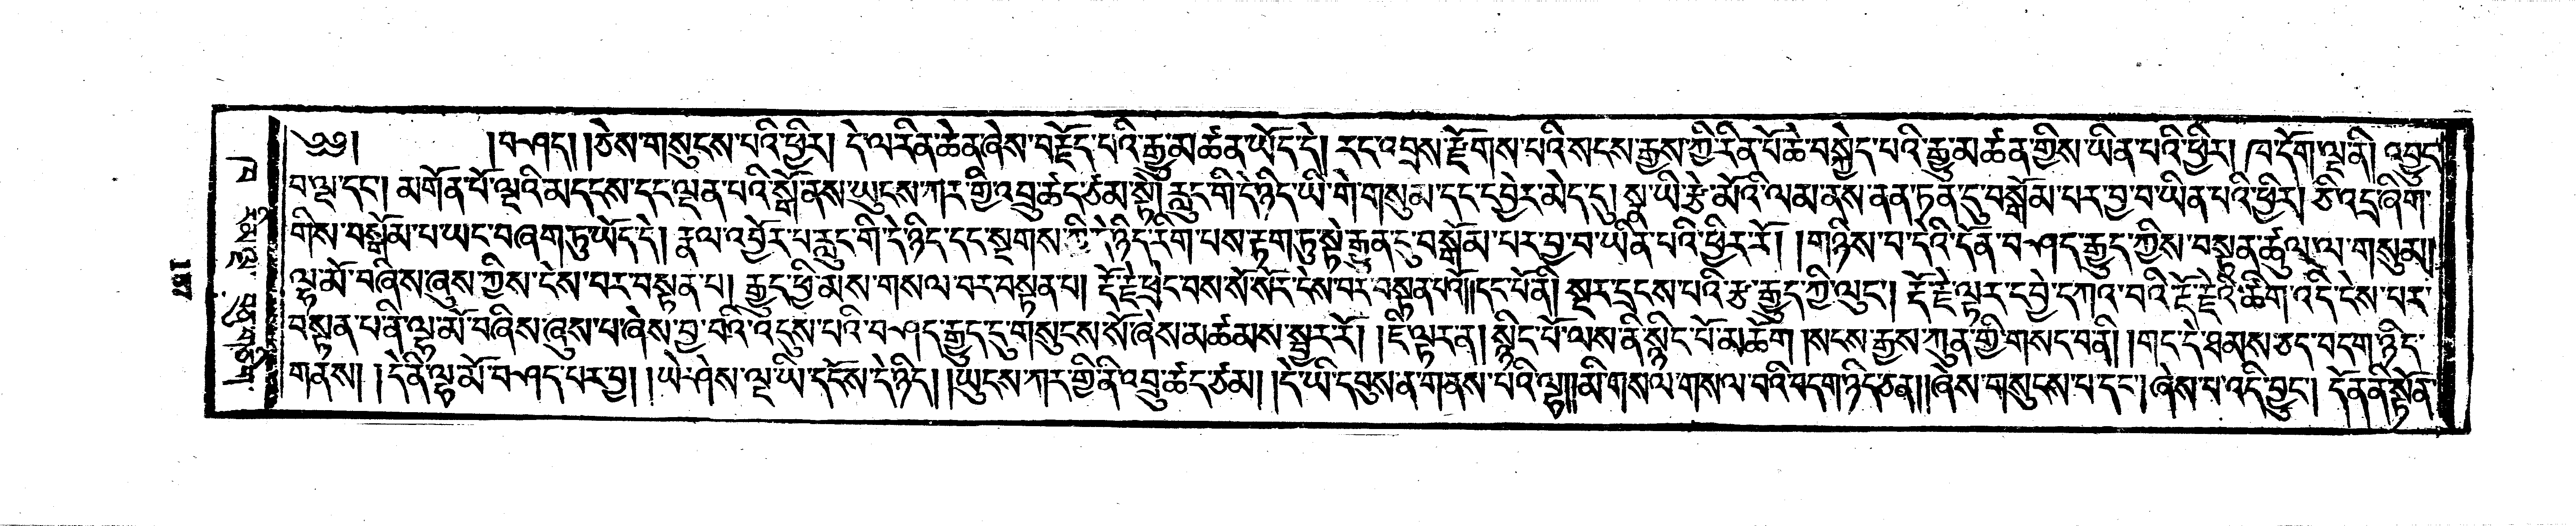༄༅། །བཤད། །ཅེས་གསུངས་པའི་ཕྱིར། དེ་ལ་རིན་ཆེན་ཞེས་བརྗོད་པའི་རྒྱུ་མཚན་ཡོད་དེ། རང་འབྲས་རྫོགས་པའི་སངས་རྒྱས་ཀྱི་རིན་པོ་ཆེ་བསྐྱེད་པའི་རྒྱུ་མཚན་གྱིས་ཡིན་པའི་ཕྱིར། ཁ་དོག་ལྔ་ནི། འབྱུང་
བ་ལྔ་དང་། མགོན་པོ་ལྔའི་མདངས་དང་ལྡན་པའི་སྒོ་ནས་ཡུངས་ཀར་གྱི་འབྲུ་ཚད་ཙམ་སྟེ། རླུང་གི་དེ་ཉིད་ཡི་གེ་གསུམ་དང་དབྱེར་མེད་དུ། སྣ་ཡི་རྩེ་མོའི་ལམ་ནས་ནན་ཏན་དུ་བསྒོམ་པར་བྱ་བ་ཡིན་པའི་ཕྱིར། ཅི་འདྲ་ཞིག་
གིས་བསྒོམ་པ་ཡང་བཞག་ཏུ་ཡོད་དེ། རྣལ་འབྱོར་བ་རླུང་གི་དེ་ཉིད་དང་སྔགས་ཀྱི་དེ་ཉིད་རིག་པས་རྟག་ཏུ་སྟེ་རྒྱུན་དུ་བསྒོམ་པར་བྱ་བ་ཡིན་པའི་ཕྱིར་རོ། །གཉིས་པ་དེའི་དོན་བཤད་རྒྱུད་ཀྱིས་བསྟན་ཚུལ་ལ་གསུམ།
ལྷ་མོ་བཞིས་ཞུས་ཀྱིས་ངེས་པར་བསྟན་པ། རྒྱུད་ཕྱི་མས་གསལ་བར་བསྟན་པ། རྡོ་རྗེ་ཕྲེང་བས་སོ་སོར་ངེས་པར་བསྟན་པའོ། །དང་པོ་ནི། སྔར་དྲངས་པའི་རྩ་རྒྱུད་ཀྱི་ལུང་། རྡོ་རྗེ་ལྟར་དབྱེ་དཀའ་བའི་རྡོ་རྗེའི་ཚིག་འདི་ངེས་པར་
བསྟན་པ་ནི་ལྷ་མོ་བཞིས་ཞུས་པ་ཞེས་བྱ་བའི་འདུས་པའི་བཤད་རྒྱུད་དུ་གསུངས་སོ་ཞེས་མཚམས་སྦྱར་རོ། །ཇི་ལྟར་ན། སྙིང་པོ་ལས་ནི་སྙིང་པོ་མཆོག །སངས་རྒྱས་ཀུན་གྱི་གསང་བ་ནི། །གང་དེ་ཐམས་ཅད་བདག་ཉིད་
གནས། །དེ་ནི་ལྷ་མོ་བཤད་པར་བྱ། །ཡེ་ཤེས་ལྔ་ཡི་དངོས་དེ་ཉིད། །ཡུངས་ཀར་གྱི་ནི་འབྲུ་ཚད་ཙམ། །དེ་ཡི་དབུས་ན་གནས་པའི་ལྷ། །མི་གསལ་གསལ་བའི་བདག་ཉིད་ཅན། །ཞེས་གསུངས་པ་དང་། ཞེས་པ་འདི་བྱུང་། དོན་ནི་སྟོན་